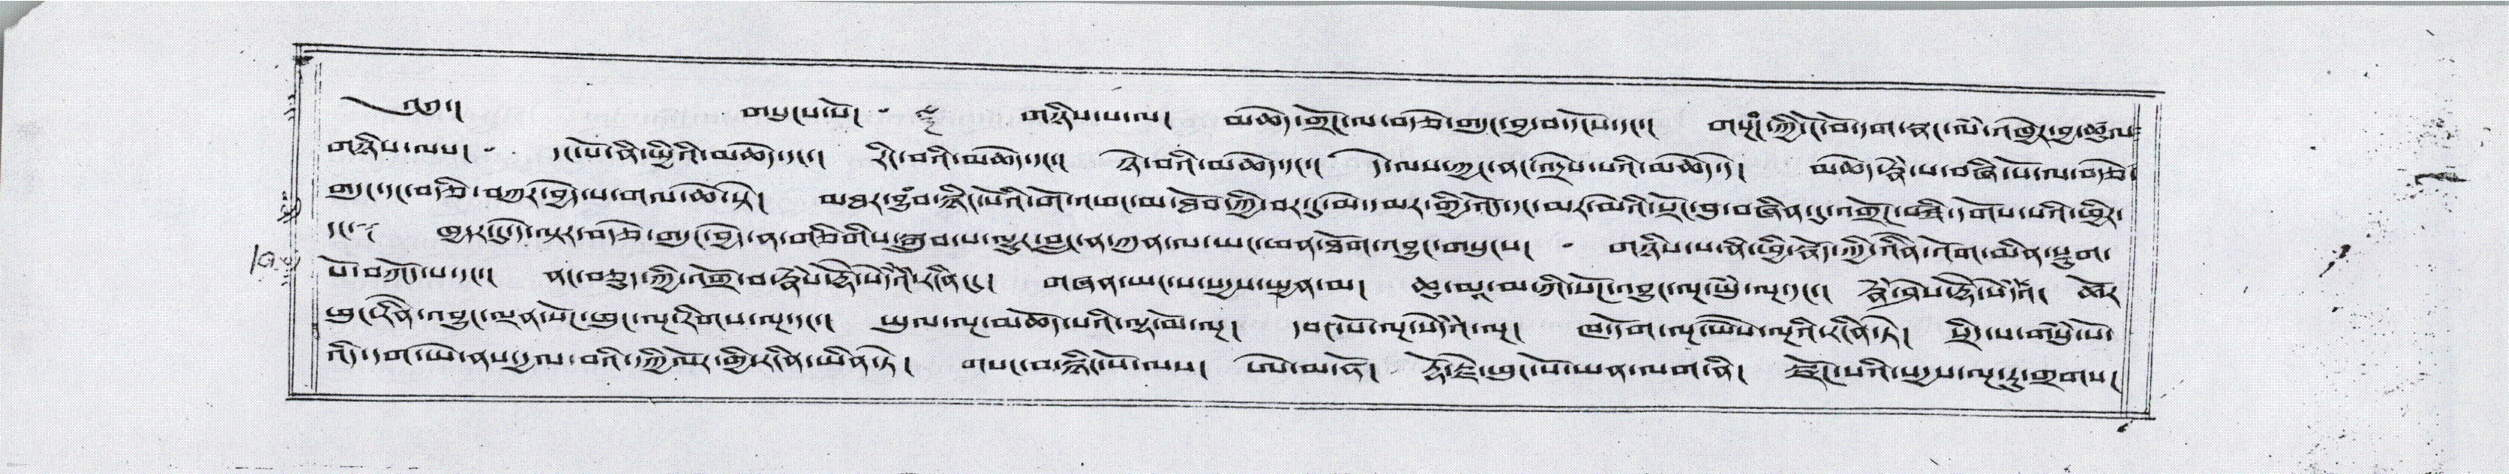གསུངས་སོ།། ༧ གཉིས་པ་ལ་མཆེད་གྲོགས་ལ་བརྩེ་དུང་བྱ་བ་དངོས་དང་། གསང་སྔགས་ཀྱི་ངོ་བོ་དག་སྣང་ལམ་ཁྱེར་བྱ་ཚུལ་
གཉིས་ལས། དང་པོ་ནི་སྤྱིའི་མཆེད་དང་། རིང་བའི་མཆེད་དང་། ཉེ་བའི་མཆེད་དང་། དེ་ལས་ཀྱང་ནང་འདྲེས་པའི་མཆེད་དེ། མཆེད་རྣམ་པ་བཞི་པོ་ལ་བརྩེ་
དུང་དང་བརྩི་བཀུར་བྱེད་པ་གལ་ཆེ་སྟེ། མཐར་བྱང་ཆུབ་སྙིང་པོའི་གོ་འཕང་མ་ཐོབ་ཀྱི་བར་དུ་མེ་དམར་གྱི་འོད་དང་མར་མེའི་སྡོང་བུ་བཞིན་དུ་འགྲོགས་དགོས་པའི་ཕྱིར་
དང་། ཁྱད་པར་དུ་དེ་ལྟར་བརྩེ་དུང་བྱེད་ན་གཅིག་གིས་སྒྲུབ་པ་ལྷུར་བླང་ན་ཀུན་ལའང་ཕན་ཐོགས་འབྱུང་གསུངས། ༧ གཉིས་པ་ནི་ཕྱི་སྣོད་ཀྱི་འཇིག་རྟེན་འོག་མིན་སྟུག་
པོ་བཀོད་པ་དང་། ནང་བཅུད་ཀྱི་འགྲོ་བ་རྣམས་རྡོ་རྗེ་སེམས་དཔའི་རང་བཞིན་དུ། གཞན་ཡང་ས་སངས་རྒྱས་སྤྱན་མ། ཆུ་མཱ་མ་ཀི་སོགས་འབྱུུང་ལྔ་ཡུམ་ལྔ་དང་། རྣམ་ཤེས་རྡོ་རྗེ་སེམས་དཔའ། ཚོར་
ཕུང་རིན་ཆེན་འབྱུང་ལྡན་སོགས་ཕུང་ལྔ་རིགས་ལྔ་དང་། ཡུལ་ལྔ་མཆོད་པའི་ལྷ་མོ་ལྔ། དབང་པོ་ལྔ་སེམས་དཔའ་ལྔ། ཁ་དོག་ལྔ་ཡེ་ཤེས་ལྔ་ཡི་རང་བཞིན་ཏེ། སྲིད་པ་གསུམ་པོ་
འདི་དག་ཡེ་ནས་རྒྱལ་པའི་དཀྱིལ་འཁོར་གྱི་རང་བཞིན་ཡིན་ཏེ། གསང་བ་སྙིང་པོ་ལས། ཨེ་མ་ཧོ། རྡོ་རྗེ་ཕུང་པོ་ཡན་ལག་ནི། རྫོགས་པའི་སངས་རྒྱས་ལྔ་རུ་གྲགས།